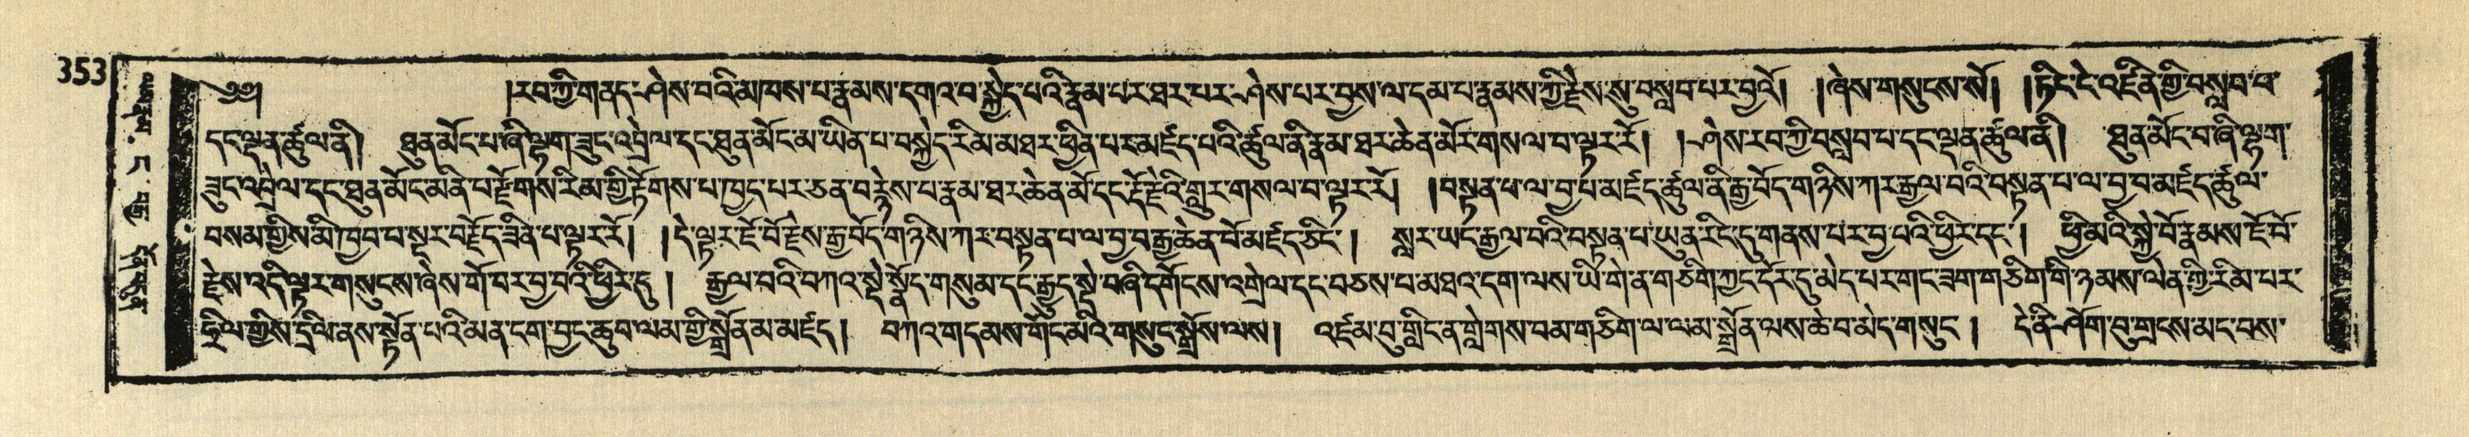༄༅། །རབ་ཀྱི་གནད་ཤེས་བའི་མཁས་པ་རྣམས་དགའ་བ་སྐྱེད་པའི་རྣམ་པར་ཐར་པར་ཤེས་པར་བྱས་ལ་དམ་པ་རྣམས་ཀྱི་རྗེས་སུ་བསླབ་པར་བྱའོ། །ཞེས་གསུངས་སོ། །ཏིང་ངེ་འཛིན་གྱི་བསླབ་བ་
དང་ལྡན་ཚུལ་ནི། ཐུན་མོང་པ་ཞི་ལྷག་ཟུང་འབྲེལ་དང་ཐུན་མོང་མ་ཡིན་པ་བསྐྱེད་རིམ་མཐར་ཕྱིན་པར་མཛད་པའི་ཚུལ་ནི་རྣམ་ཐར་ཆེན་མོར་གསལ་བ་ལྟར་རོ། །ཤེས་རབ་ཀྱི་བསླབ་པ་དང་ལྡན་ཚུལ་ནི། ཐུན་མོང་བ་ཞི་ལྷག་
ཟུང་འབྲེལ་དང་ཐུན་མོང་མིན་པ་རྫོགས་རིམ་གྱི་རྟོགས་པ་ཁྱད་པར་ཅན་བརྙེས་པ་རྣམ་ཐར་ཆེན་མོ་དང་རྡོ་རྗེའི་གླུར་གསལ་བ་ལྟར་རོ། །བསྟན་པ་ལ་བྱ་པ་མཛད་ཚུལ་ནི་རྒྱ་བོད་གཉིས་ཀར་རྒྱལ་བའི་བསྟན་པ་ལ་བྱ་བ་མཛད་ཚུལ་
བསམ་གྱིས་མི་ཁྱབ་པ་སྔར་བརྗོད་ཟིན་པ་ལྟར་རོ། །དེ་ལྟར་ཇོ་བོ་རྗེས་རྒྱ་བོད་གཉིས་ཀར་བསྟན་པ་ལ་བྱ་བ་རྒྱ་ཆེན་པོ་མཛད་ཅིང་། སླར་ཡང་རྒྱལ་བའི་བསྟན་པ་ཡུན་རིང་དུ་གནས་པར་བྱ་བའི་ཕྱིར་དང་། ཕྱི་མའི་སྐྱེ་བོ་རྣམས་ཇོ་བོ་
རྗེས་འདི་ལྟར་གསུངས་ཞེས་གོ་བར་བྱ་བའི་ཕྱིར་དུ། རྒྱལ་བའི་བཀའ་སྡེ་སྣོད་གསུམ་དང་རྒྱུད་སྡེ་བཞི་དགོངས་འགྲེལ་དང་བཅས་པ་མཐའ་དག་ལས་ཡི་གེ་ན་གཅིག་ཀྱང་དོར་དུ་མེད་པར་གང་ཟག་གཅིག་གི་ཉམས་ལེན་གྱི་རིམ་པར་
ཧྲིལ་གྱིས་དྲིལ་ནས་སྟོན་པའི་མན་ངག་བྱང་ཆུབ་ལམ་གྱི་སྒྲོན་མ་མཛད། བཀའ་གདམས་གོང་མའི་གསུང་སྒྲོས་ལས། འཛམ་བུ་གླིང་ན་གླེགས་བམ་གཅིག་ལ་ལམ་སྒྲོན་ལས་ཆེ་བ་མེད་གསུང་། དེ་ནི་ཤོག་བུ་གྲངས་མང་བས་